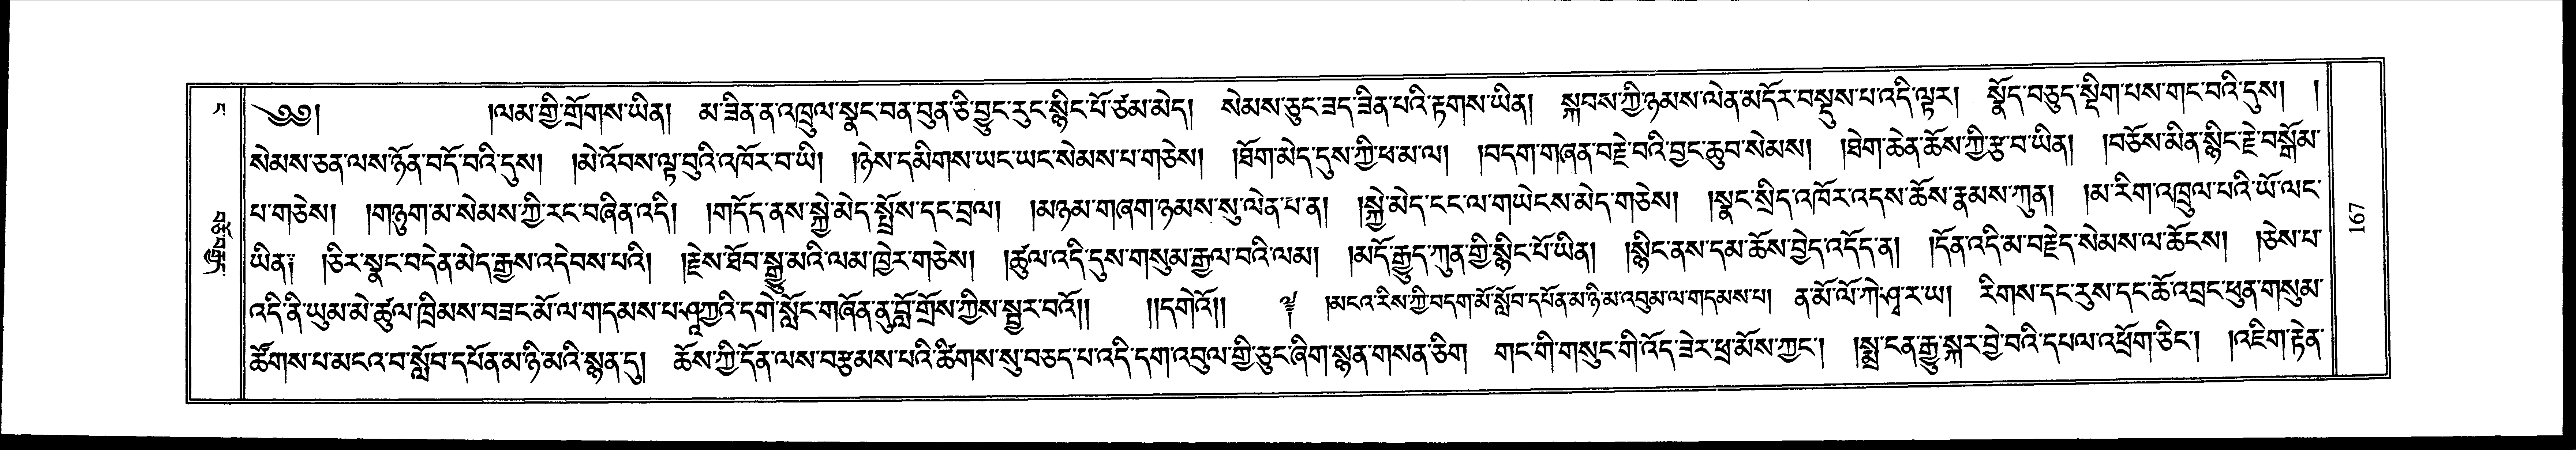༄༅། །ལམ་གྱི་གྲོགས་ཡིན། མ་ཟིན་ན་འཁྲུལ་སྣང་བན་བུན་ཅི་བྱུང་རུང་སྙིང་པོ་ཙམ་མེད། སེམས་ཅུང་ཟད་ཟིན་པའི་རྟགས་ཡིན། །སྐབས་ཀྱི་ཉམས་ལེན་མདོར་བསྡུས་པ་འདི་ལྟར། །སྣོད་བཅུད་སྡིག་པས་གང་བའི་དུས། །
སེམས་ཅན་ལས་ཉོན་བདོ་བའི་དུས། །མེ་འོབས་ལྟ་བུའི་འཁོར་བ་ཡི། །ཉེས་དམིགས་ཡང་ཡང་སེམས་པ་གཅེས། །ཐོག་མེད་དུས་ཀྱི་ཕ་མ་ལ། །བདག་གཞན་བརྗེ་བའི་བྱང་ཆུབ་སེམས། །ཐེག་ཆེན་ཆོས་ཀྱི་རྩ་བ་ཡིན། །བཅོས་མིན་སྙིང་རྗེ་བསྒོམ་
པ་གཅེས། །གཉུག་མ་སེམས་ཀྱི་རང་བཞིན་འདི། །གདོད་ནས་སྐྱེ་མེད་སྤྲོས་དང་བྲལ། །མཉམ་གཞག་ཉམས་སུ་ལེན་པ་ན། །སྐྱེ་མེད་ངང་ལ་གཡེངས་མེད་གཅེས། །སྣང་སྲིད་འཁོར་འདས་ཆོས་རྣམས་ཀུན། །མ་རིག་འཁྲུལ་པའི་ཡོ་ལང་
ཡིན། །ཅིར་སྣང་བདེན་མེད་རྒྱས་འདེབས་པའི། །རྗེས་ཐོབ་སྒྱུ་མའི་ལམ་ཁྱེར་གཅེས། །ཚུལ་འདི་དུས་གསུམ་རྒྱལ་བའི་ལམ། །མདོ་རྒྱུད་ཀུན་གྱི་སྙིང་པོ་ཡིན། །སྙིང་ནས་དམ་ཆོས་བྱེད་འདོད་ན། །དོན་འདི་མ་བརྗེད་སེམས་ལ་ཆོངས། །ཅེས་པ་
འདི་ནི་ཡུམ་མེ་ཚུལ་ཁྲིམས་བཟང་མོ་ལ་གདམས་པ་ཤཱཀྱའི་དགེ་སློང་གཞོན་ནུ་བློ་གྲོས་ཀྱིས་སྦྱར་བའོ།། །།དགེའོ།། ༈ །མངའ་རིས་ཀྱི་བདག་མོ་སློབ་དཔོན་མ་ཉི་མ་འབུམ་ལ་གདམས་པ། །ན་མོ་ལོ་ཀེ་ཤྭ་ར་ཡ། རིགས་དང་རུས་དང་ཆོ་འབྲང་ཕུན་གསུམ་
ཚོགས་པ་མངའ་བ་སློབ་དཔོན་མ་ཉི་མའི་སྙན་དུ། ཆོས་ཀྱི་དོན་ལས་བརྩམས་པའི་ཚིགས་སུ་བཅད་པ་འདི་དག་འབུལ་གྱི་ཅུང་ཞིག་སྙན་གསན་ཅིག་གང་གི་གསུང་གི་འོད་ཟེར་ཕྲ་མོས་ཀྱང་། །སྨྲ་ངན་རྒྱུ་སྐར་བྱེ་བའི་དཔལ་འཕྲོག་ཅིང་། །འཇིག་རྟེན་